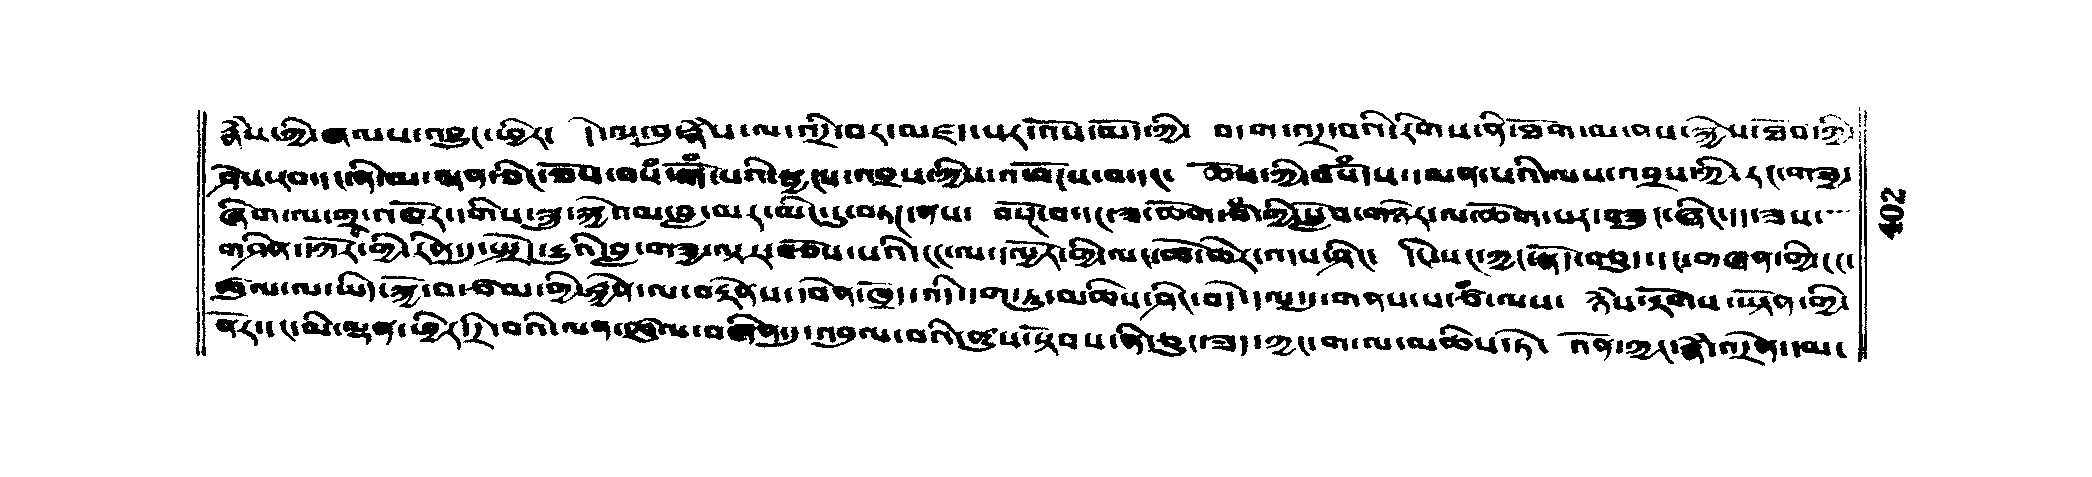རྣམས་ཀྱི་ཞལ་ལས་འབྱུང་ཕྱིར། དེ་ལྟ་བུ་རྣམས་ལ་འདྲི་བར་མཛད་པར་འོད་མོད་ཀྱི། བདག་འདྲ་བའི་རིགས་ནི་ཐོག་མ་ནས་སྐྱེས་ཐོབ་ཀྱི་
ཤེས་རབ་དང་ནི་མ་ལྡན་ཅིང་ཐོས་བསམ་སྒོམ་པའི་སྦྱངས་འབྲས་ཀྱིས་ཕོངས་པ་དང་།ཆོས་ཀྱི་བསོད་ནམས་དམན་པའི་ལས་འབྲས་ཀྱི་རང་གཟུགས་
ཞིག་ལ་གྲྭ་འཁོར་གྱིས་སྐུ་སྐྱེ་མ་བླ་མར་མིང་དུ་བཏགས་ནས། བསྔོ་བ་དང་ཟཆོག་ཙམ་གྱི་སློབ་གཉེར་ལ་ཆོག་པར་བཟུང་ཞིང་དད་ཟས་
གཤིན་སྐོར་གྱི་རིན་དུ་སྤྲོད་རྒྱུའི་བླ་གཟུགས་ལྟར་བཅོས་པའི་ངང་ལ་དལ་འབྱོར་གྱི་ལང་ཚོ་ཆེར་འདས་ཤིང་། དིང་སང་ཀྱང་སྣོད་བཅུད་དང་གཞན་གྱི་ངང་
ཚུལ་ལ་ཡིད་ཡིད་སྐྱོ་བ་ཙམ་གྱི་རྐྱེན་ལ་བརྟེན་ནས་དབེན་ཁྲོད་འདི་དག་ཏུ་མཆིས་ཤིང་བདེ་དལ་དུ་གནས་པ་ཙམ་ལས། ཉམས་རྟོགས་ཡོན་ཏན་གྱི་
ནོར་དང་མི་ལྡན་ཕྱིར་དྲི་བའི་1$1000250ལན་ཚུལ་བཞིན་དུ་འབུལ་བའི་ནུས་སྟོབས་ནི་ཅུང་ཟད་ཀྱང་ག་ལ་མཆིས་ཏེ། འོན་ཀྱང་རྣམ་འདྲེན་དམ་